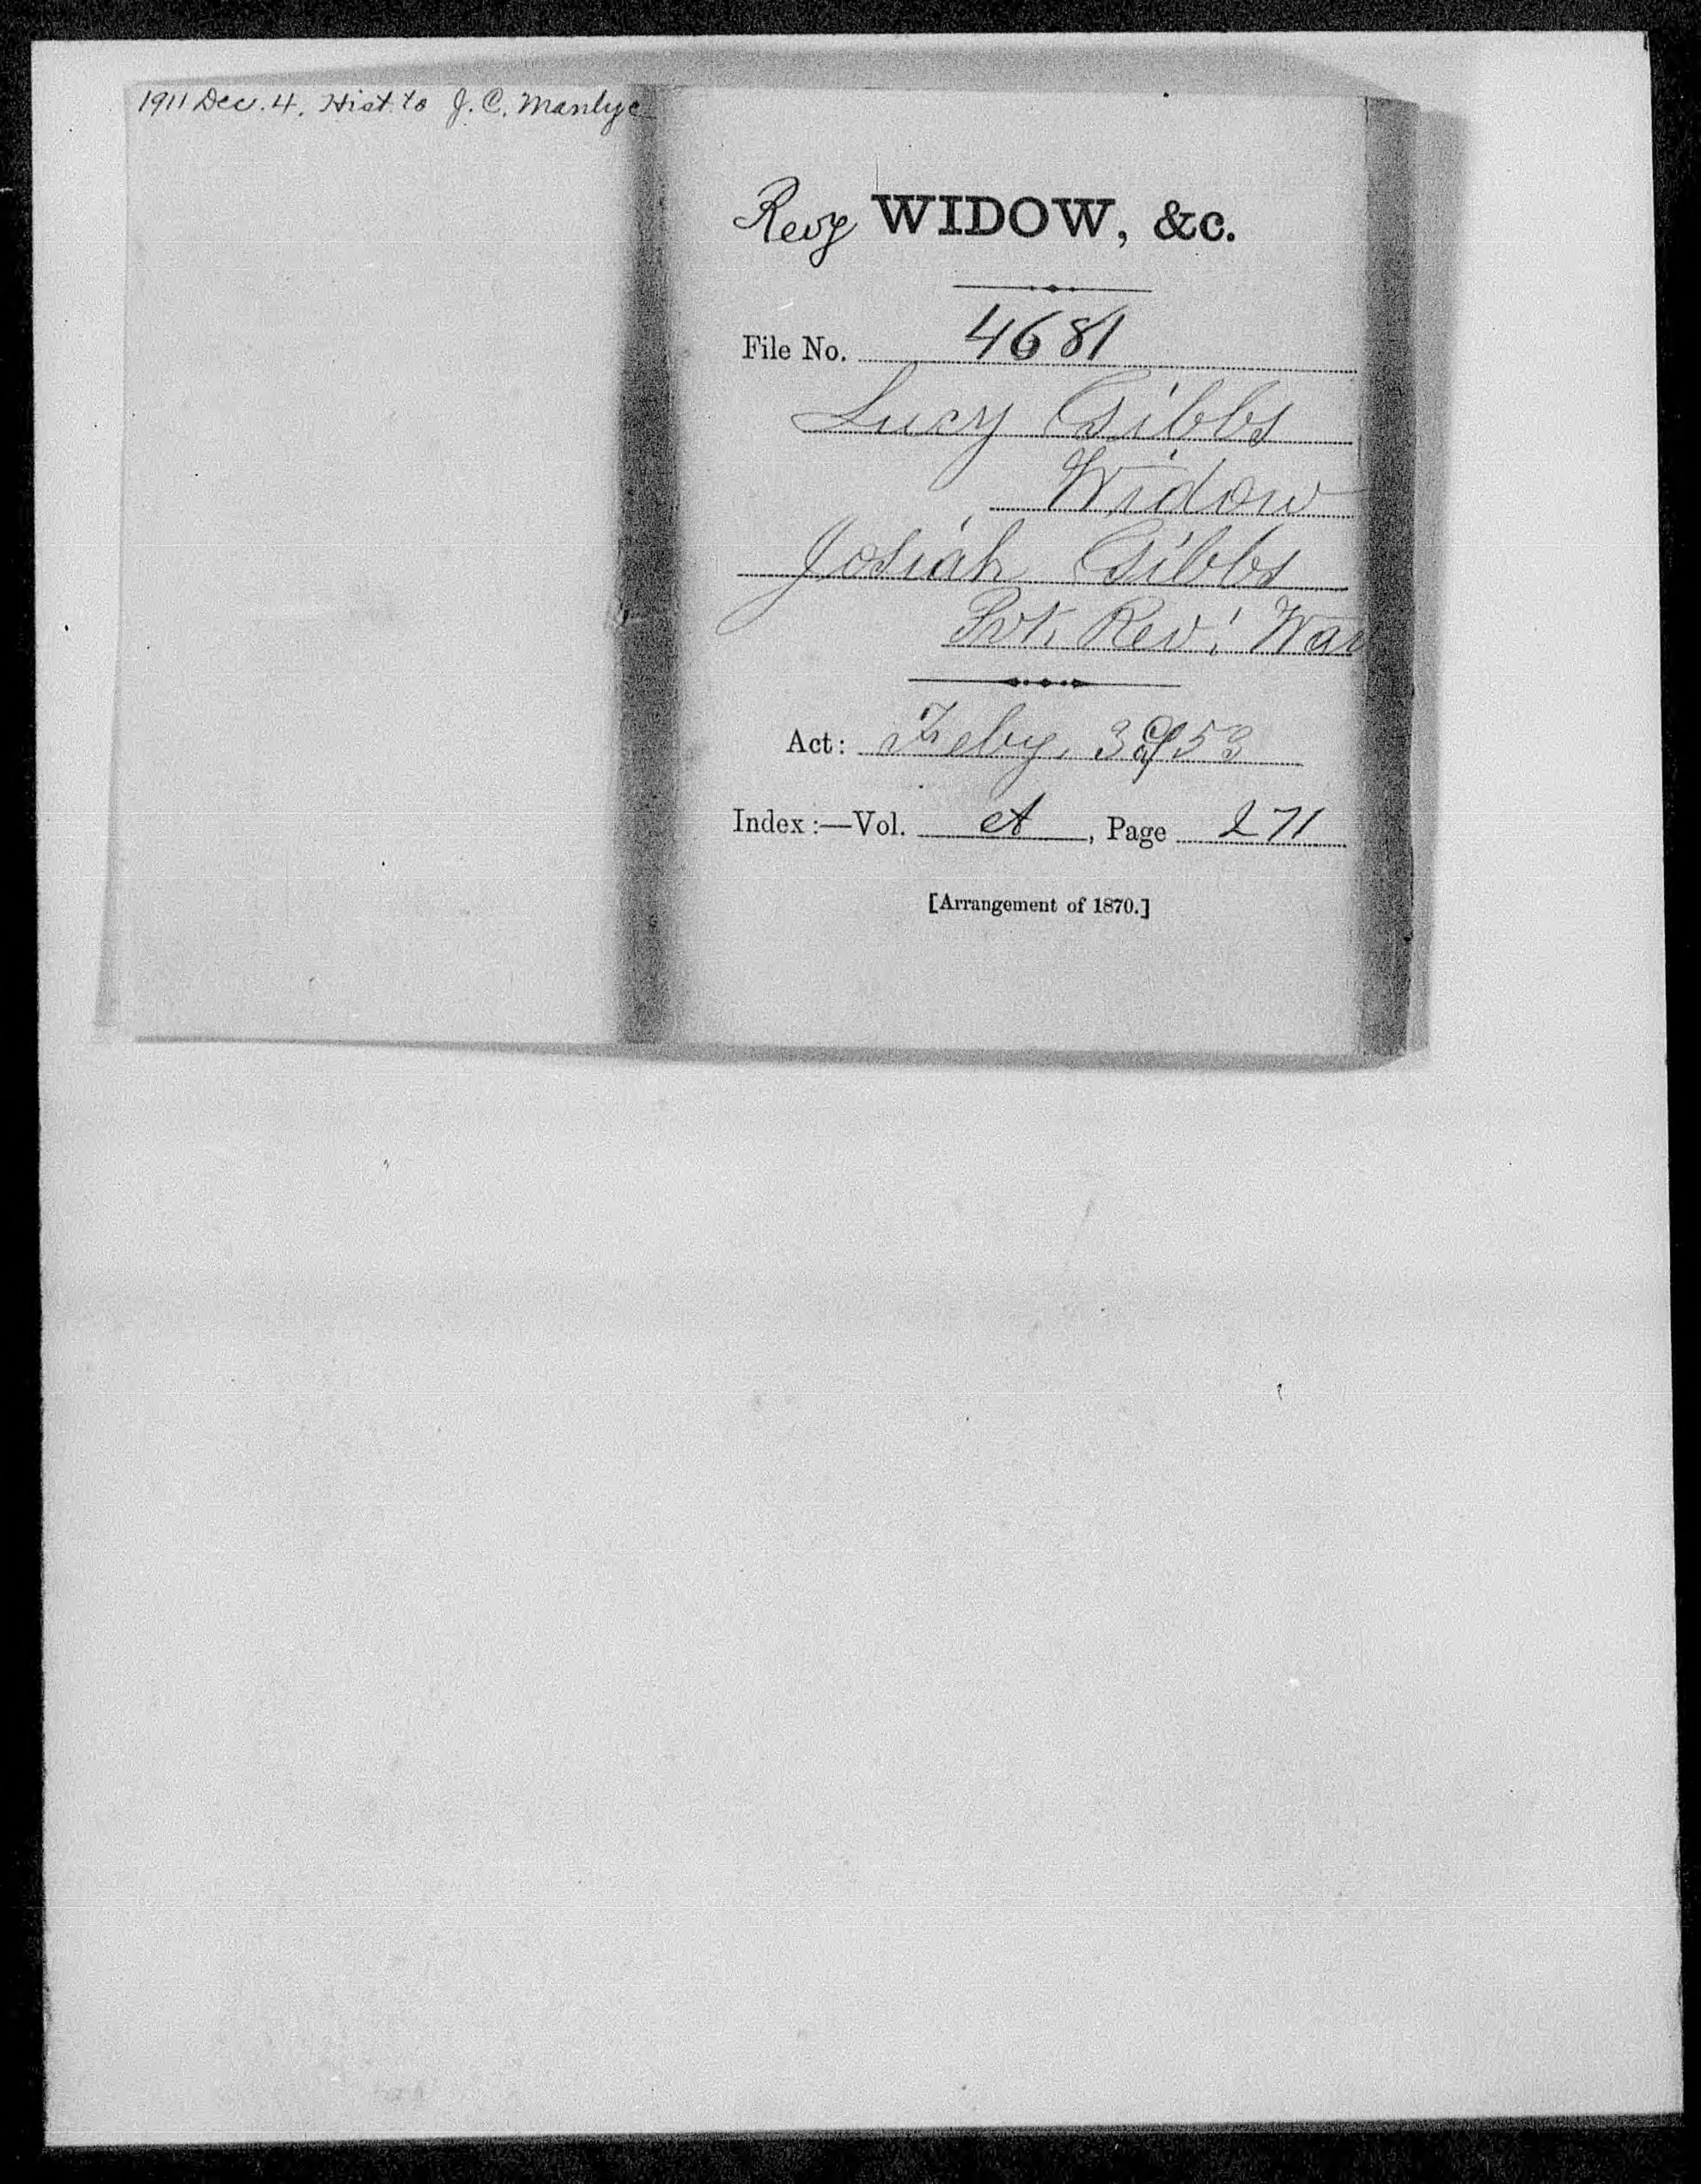1911 Dec. 4. Hist to J.C.Manly
..........................................................
Revy WIDOW,  &c.
File No.   4681
Lucy Gibbs
Widow
Josiah Gibbs
Pvt. Rev. War

Act: Feb'y, 3rd 1853
Index:.....Vol.....A...., Page........271.......

[Arrangement of 1870.]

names: J C Manly, Josiah Gibbs, Lucy Gibbs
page: 18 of 33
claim: widow's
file: W. 4681, Josiah Gibbs, Mass